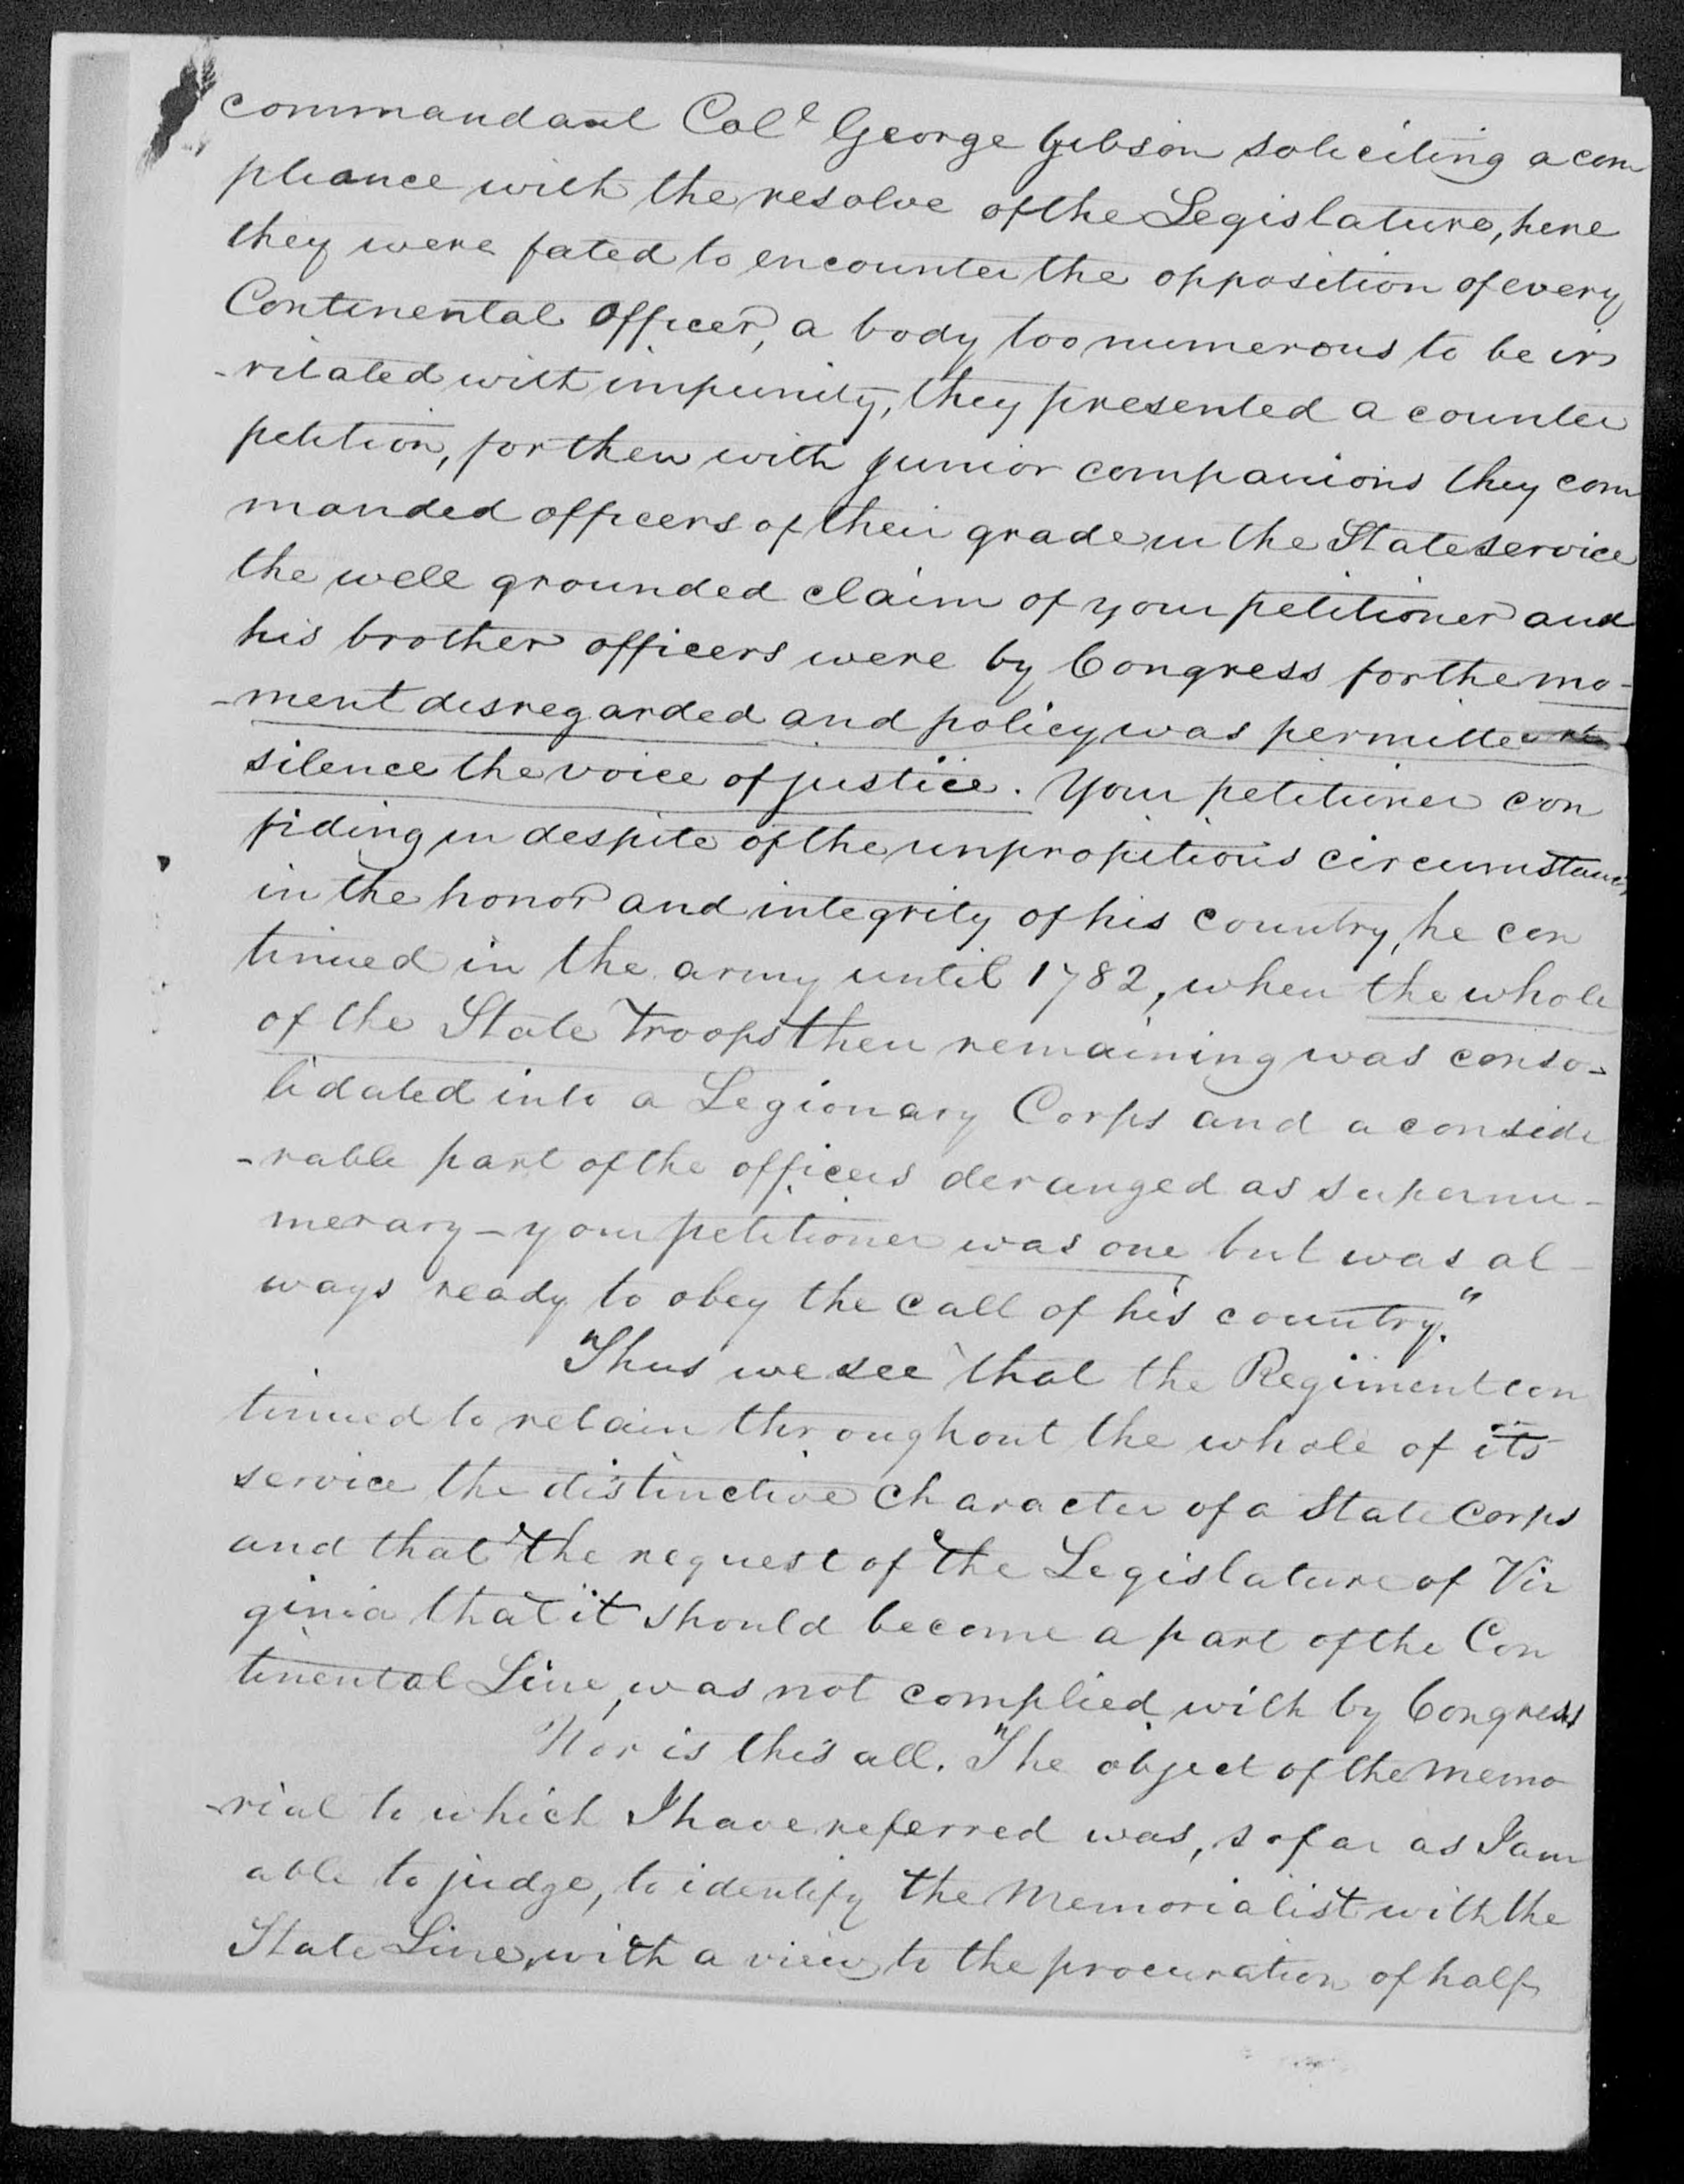commandant Coll George Gibson Soliciting a compliance with the resolve of the Legislature, here they were fated to encounter the opposition of every Continental Officer, a body too numerous to be irritated with impunity, they presented a counter petition, for then with junior companions they commanded officers of their grade in the State service the well grounded claim of your petition and his brother officers were by Congress for the [begin underline] moment disregarded and policy was permitted to silence the voice of justice [end underline]. Your petitioner confiding in despite of the unpropitious circumstances in the honor and integrity of his country, he continued in the army until 1782, when [begin underline] the whole of the State troops [end underline] then remaining was consolidated into a Legionary Corps and a considerable part of the officers deranged as supernumerary __ your petitioner was one but was always ready to obey the call of his country."
Thus we see that the Regiment continued to retain throughout the whole of its service the distinctive character of a State Corps and that the request of the Legislature of Virginia that it should become a part of the Continental Line was not complied with by Congress.
Nor is this all. The object of the the memorial to which I have referred was, sofar as I am able to judge, to identify the Memorialist with the State Line, with a view, to the procuration of half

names: George Gibson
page: 82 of 267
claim: widow's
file: W. 4,149, William Campbell, Va.